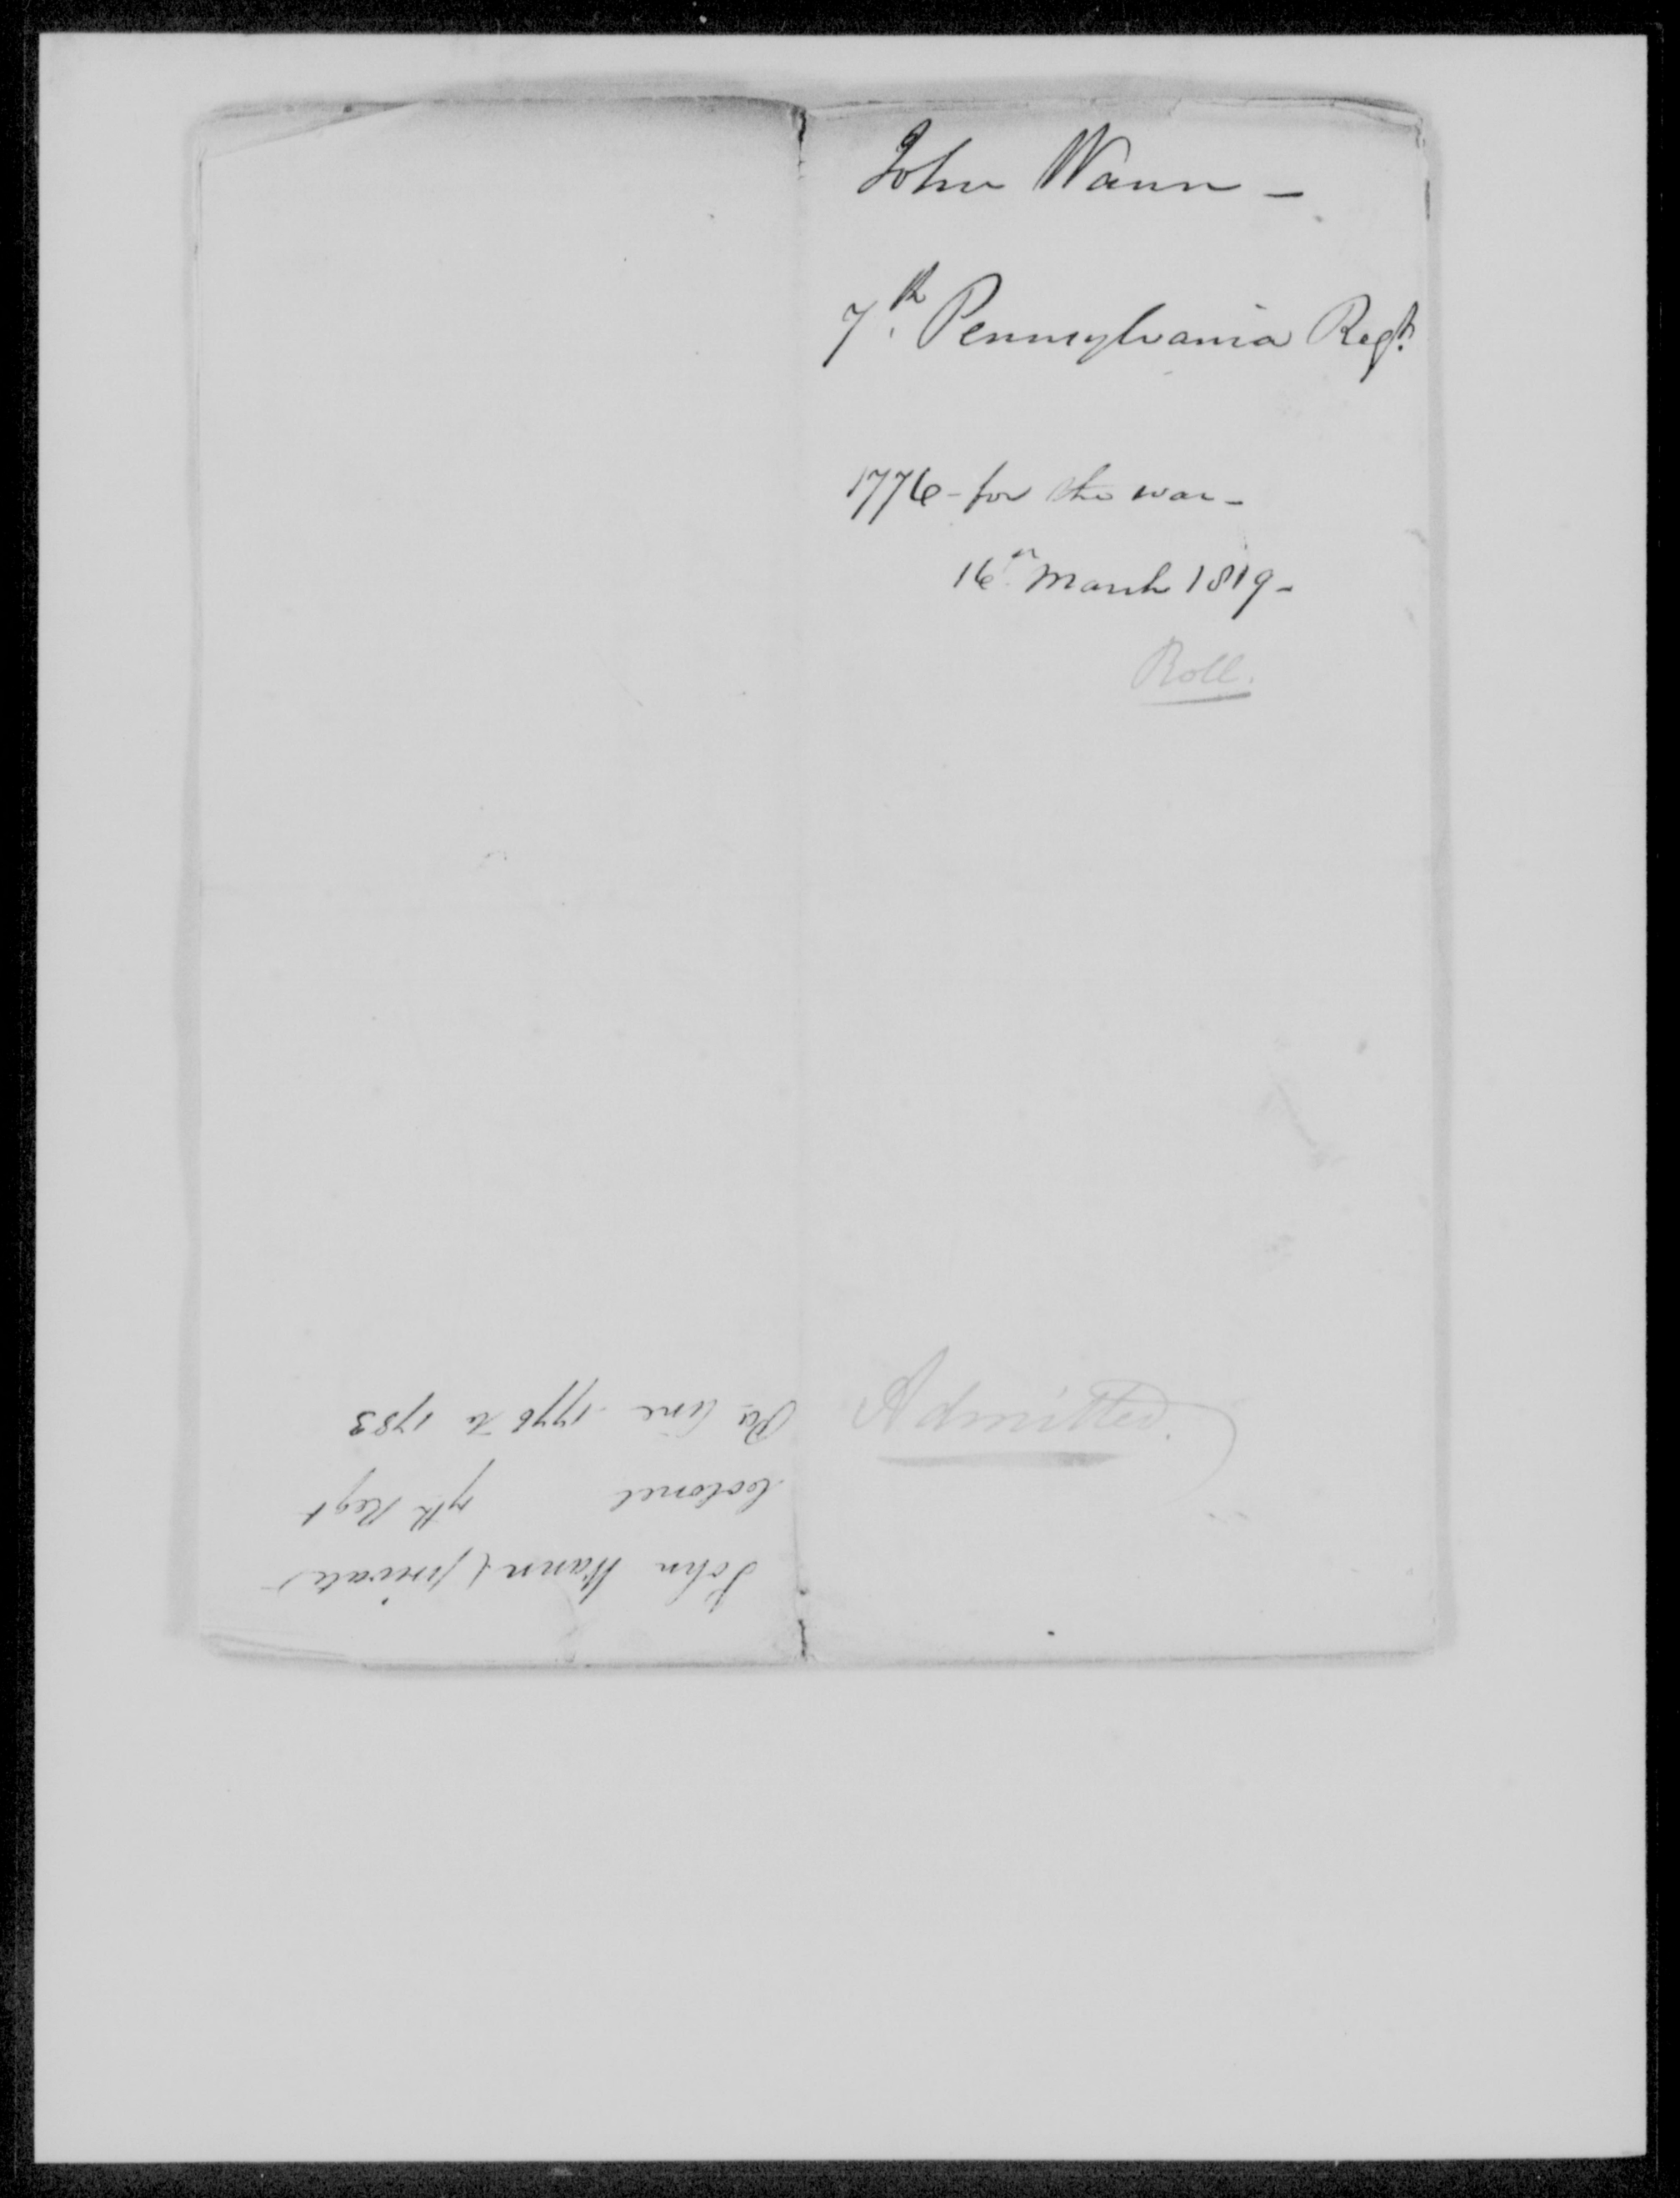John Wann
7th Pennsylvania Regt.
1776 - for the war
16th March 1819-
Roll

Admitted

John Wann private 
[illegible] 7th Regt.
Pa line 1776 to 1783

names: John Wann, John Wann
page: 12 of 38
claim: widow's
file: W. 3899, John Wann, Penn.